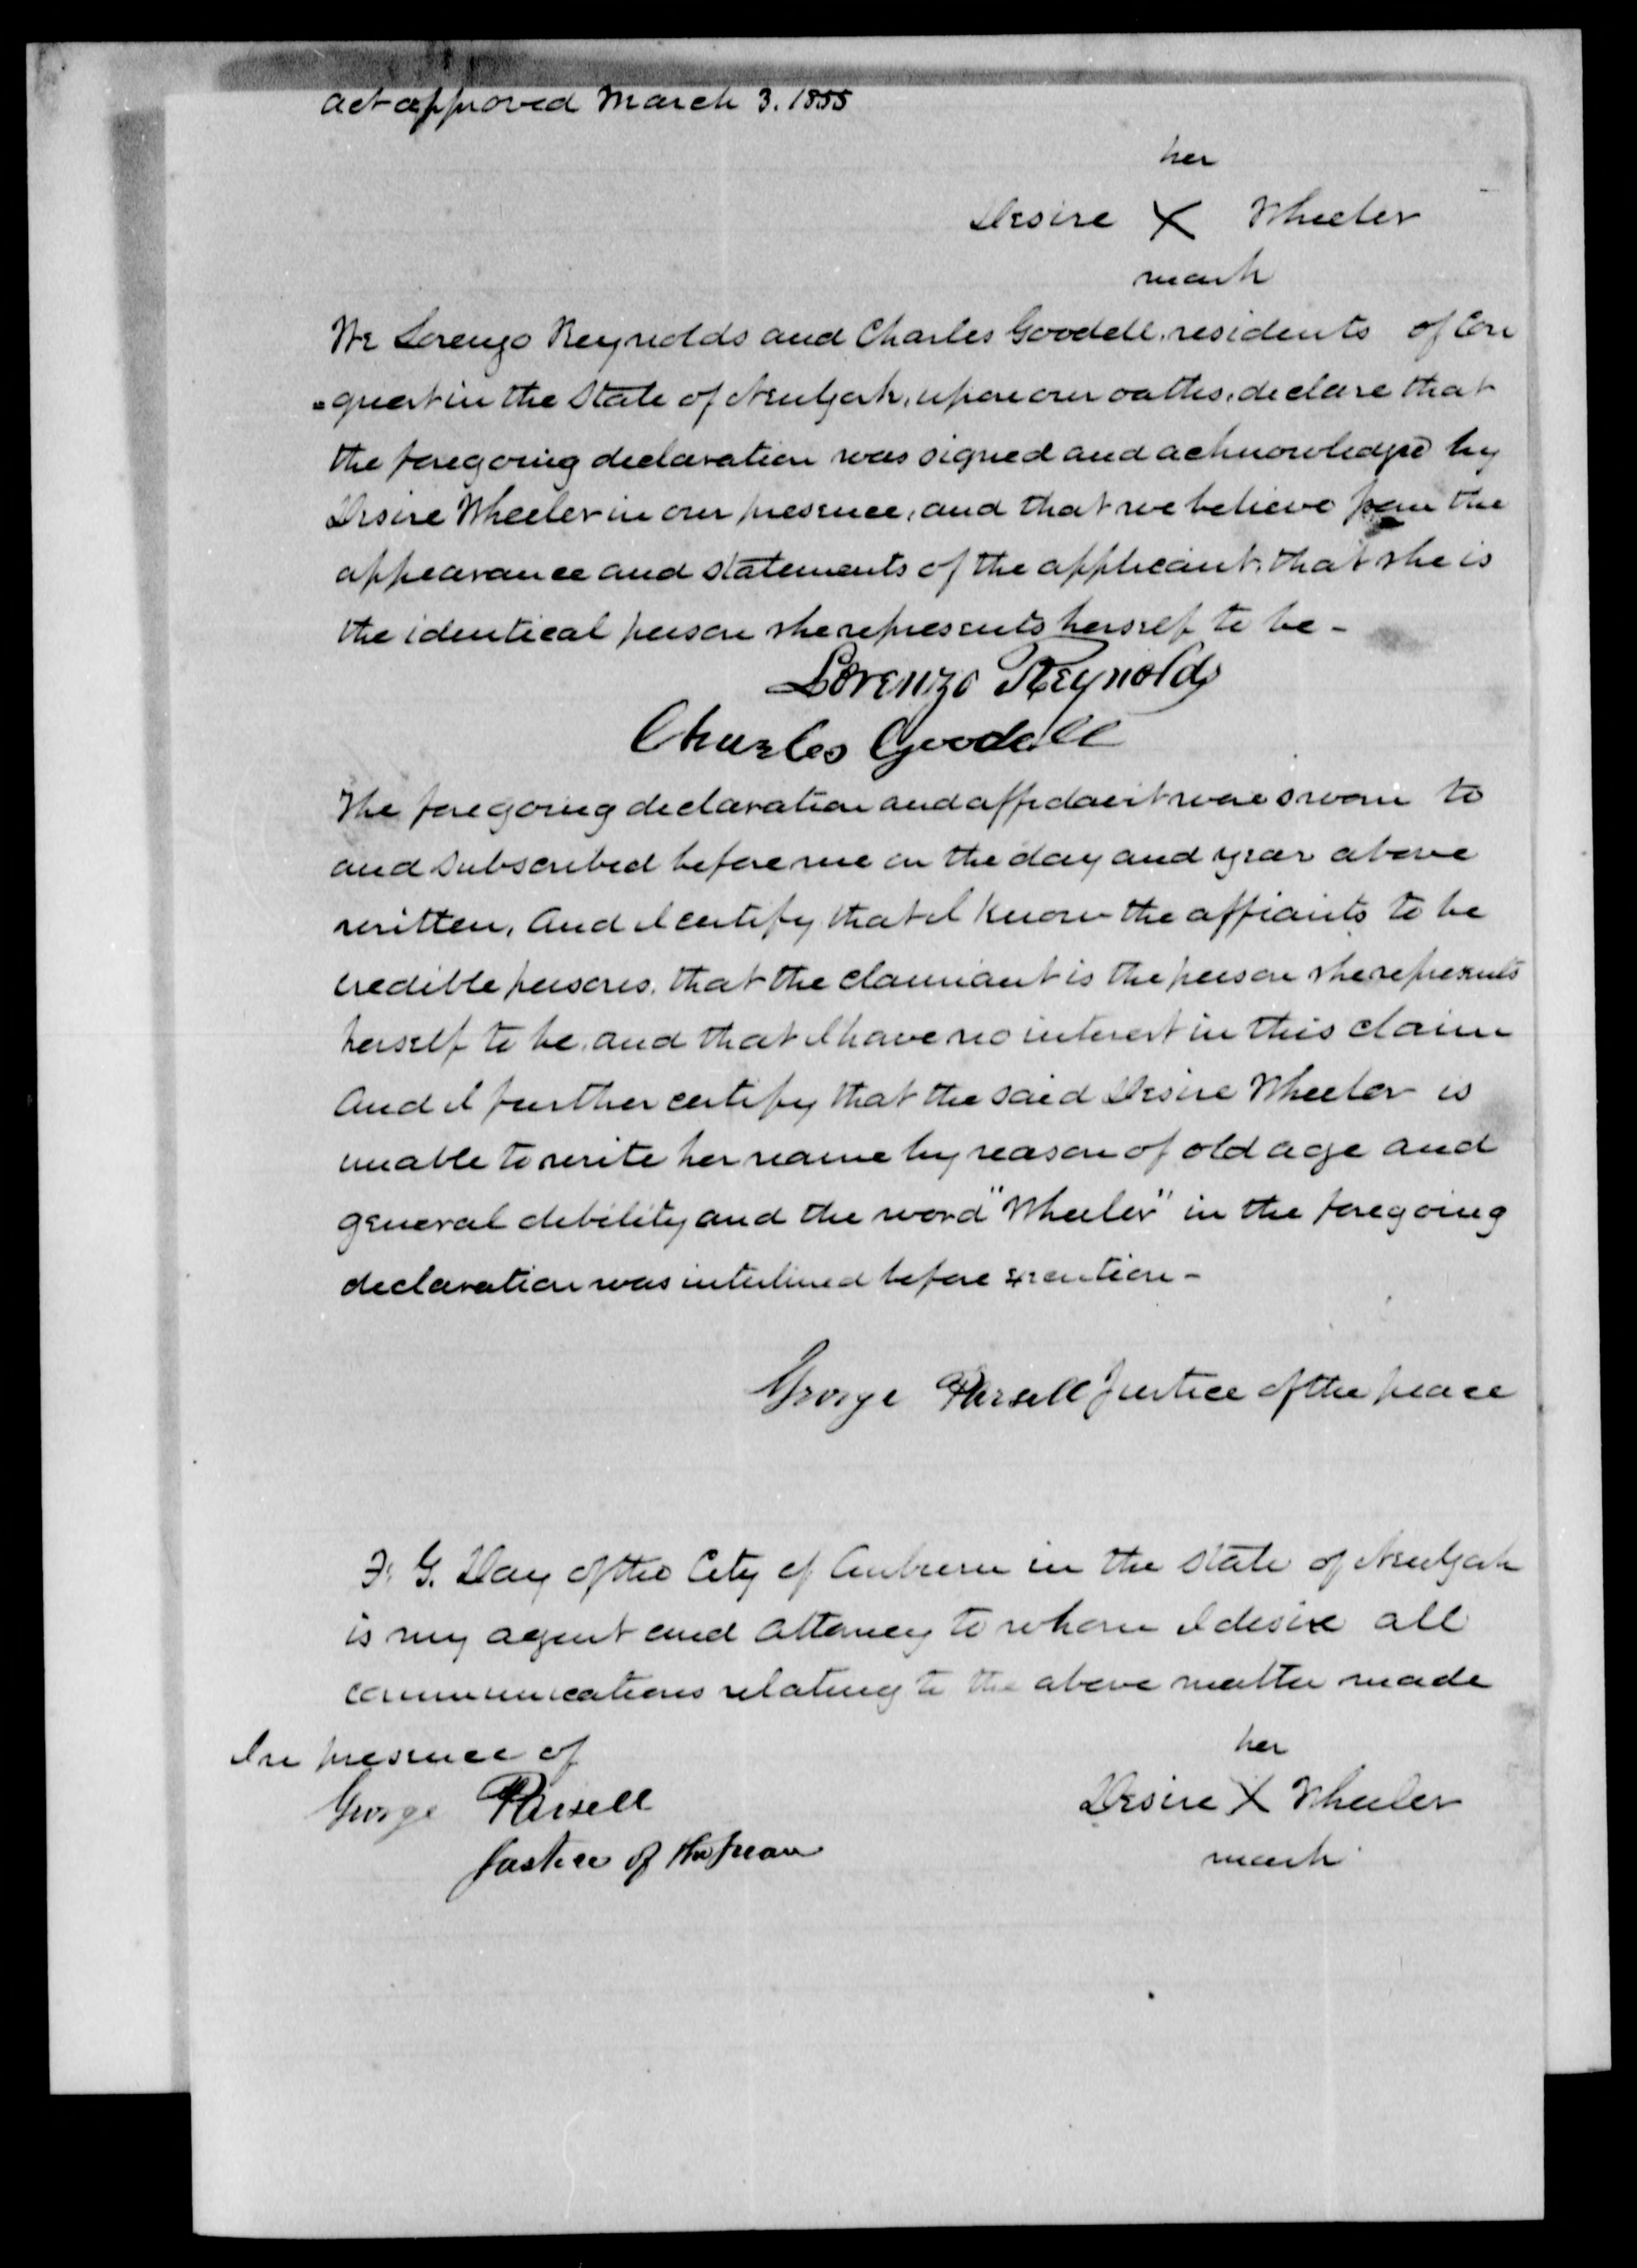act approved March 3. 1855
Desire  X  Wheeler
her mark

We Lorenzo Reynolds and Charles Goodell residents of Conquest in the State of New York, upon our oaths declare that the foregoing declaration was signed and acknowledged by Desire Wheeler in our presence and that we believe from the appearance and statements of the applicant that she is the identical person she represents herself to be.
Lorenzo Reynolds
Charles Goodell
The foregoing declaration and affidavit were sworn to and subscribed before me on the day and year above written. And I certify that I know the affiants to be credible persons. That the claimant is the person she represents herself to be and that I have no interest in this claim. and I further certify that the said Desire Wheeler is unable to write her name by reason of old age and general debility and the word "Wheeler" in the foregoing declaration was interline before execution.
George Parsell Justice of the Peace

F. G. Day of the City of Auburn in the State of New York is my agent and attorney to whom I desire all communications relating to the above matter made.
Desire  X  Wheeler
her mark
In presence of
George Parsell
Justice of the Peace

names: F G Day, Desire Wheeler, Charles Goodell, Lorenzo Reynolds, George Parsell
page: 22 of 98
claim: widow's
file: W. 1682, Valentine Wheeler, Mass.